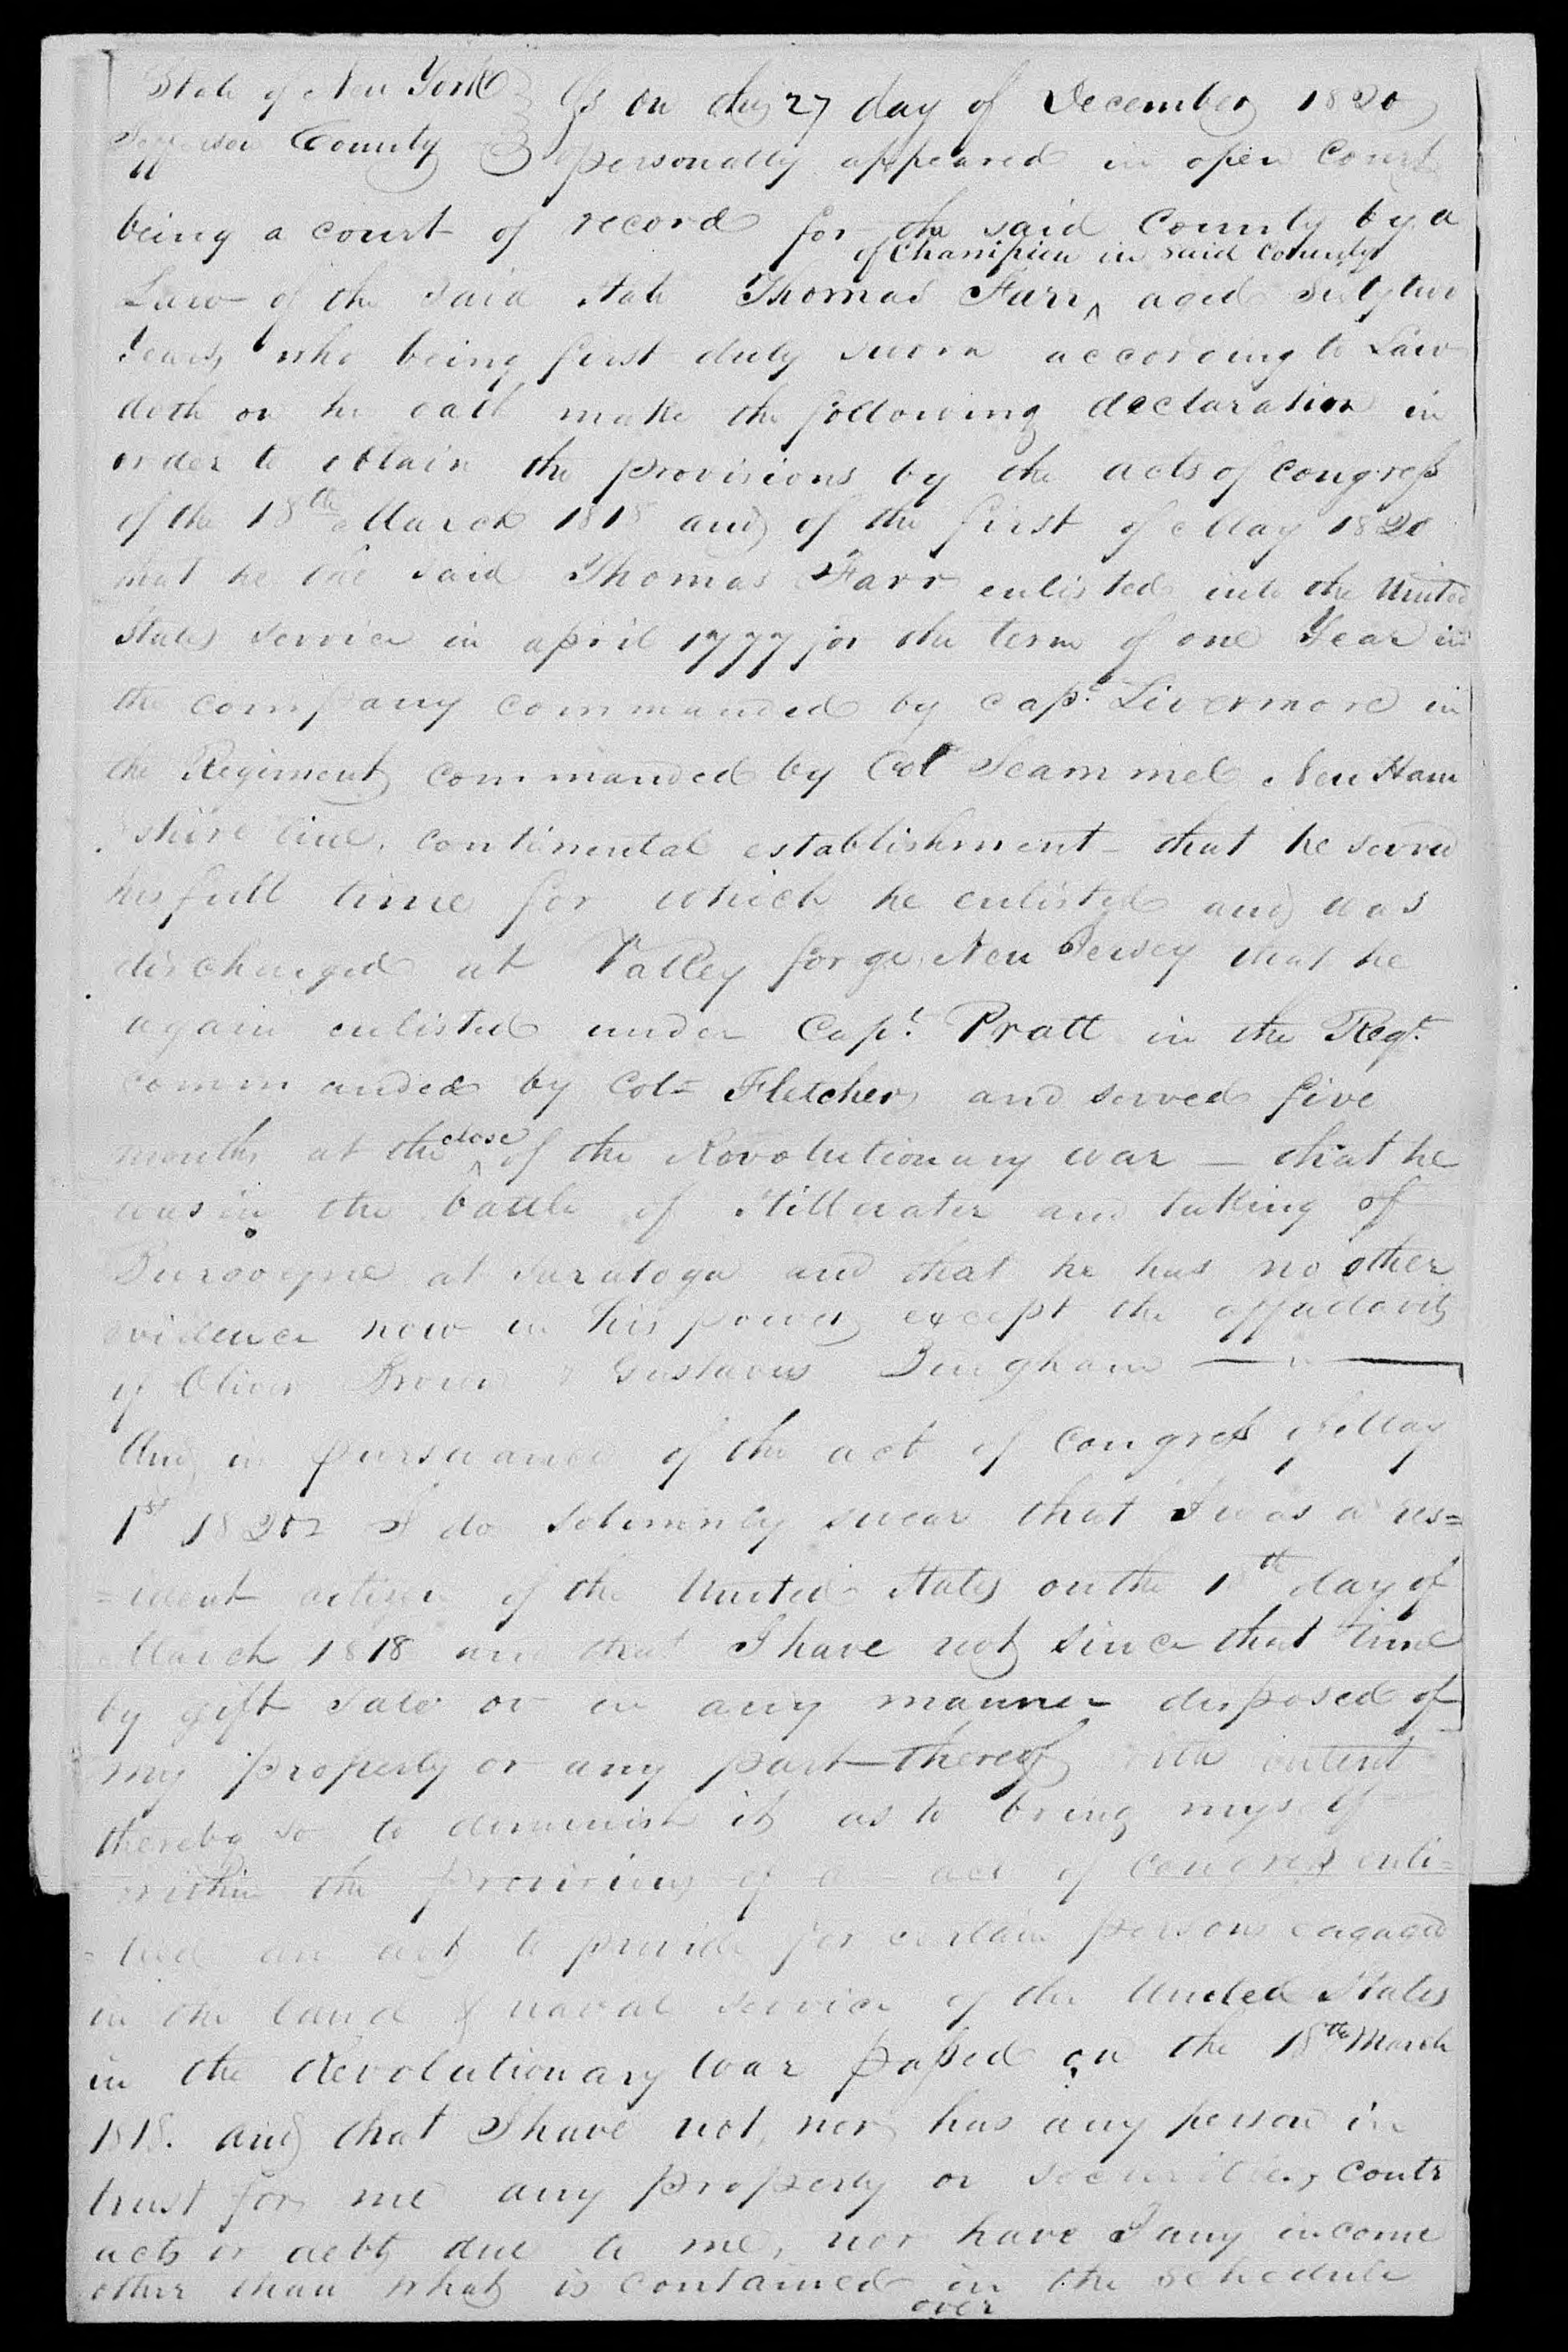State of New York
Jefferson County
[illegible] on this 27 day of December 1820 personally appeared in open court being a court of record for the said County by a Law of the said late Thomas Farr of Chanipion [Champion] in said County aged Sixty two years who being first duly sworn according to Law doth on her oath make the following declaration in order to obtain the provisions by the acts of congress of the 18th March 1818 and of the first of May 1820 that he the said Thomas Farr enlisted into the United States Service in april 1777 for the term of one Year in the company commanded by capt. [Capt.] Livermore in the Regiment commanded by Col. Scammel [Scammell] New Hampshire line, continental establishment that he served his full time for which he enlisted and was discharged at Valley Forge, New Jersey that he again enlisted under Capt. Pratt in the Regt. commanded by Col. Fletcher and served five months at the close of the Revolutionary war - that he was in the battle of Stillwater and taking of Burgoyne at Saratoga and that he has no other evidence now in his power except the affadavits [affidavits] of Oliver Brown & Gustavus Burgham - 
And in pursuance of the act of Congress [ ] 1st 1821 I do solemnly swear that I was a resident citizen of the Untied States  on the 18th day of March 1818 and that I have not since that time by gift sale or in any manner disposed of my property or any part thereof with intent thereby so to diminish it as to bring myself within the provisions of a [an] act of Congress [illegible] an act to provide for certain persons engaged in the land & naval service of the United States in the Revolutionary War passed on the 18th March 1818. And that I have not nor has any person in trust for me any property or securities contracts or debts due to me, nor have I any income other than what is contained in the schedule
over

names: Thomas Farr, Thomas Farr, Livermore, Fletcher, Scammel, Pratt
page: 5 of 46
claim: widow's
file: W. 23022, Thomas Farr, N.H.